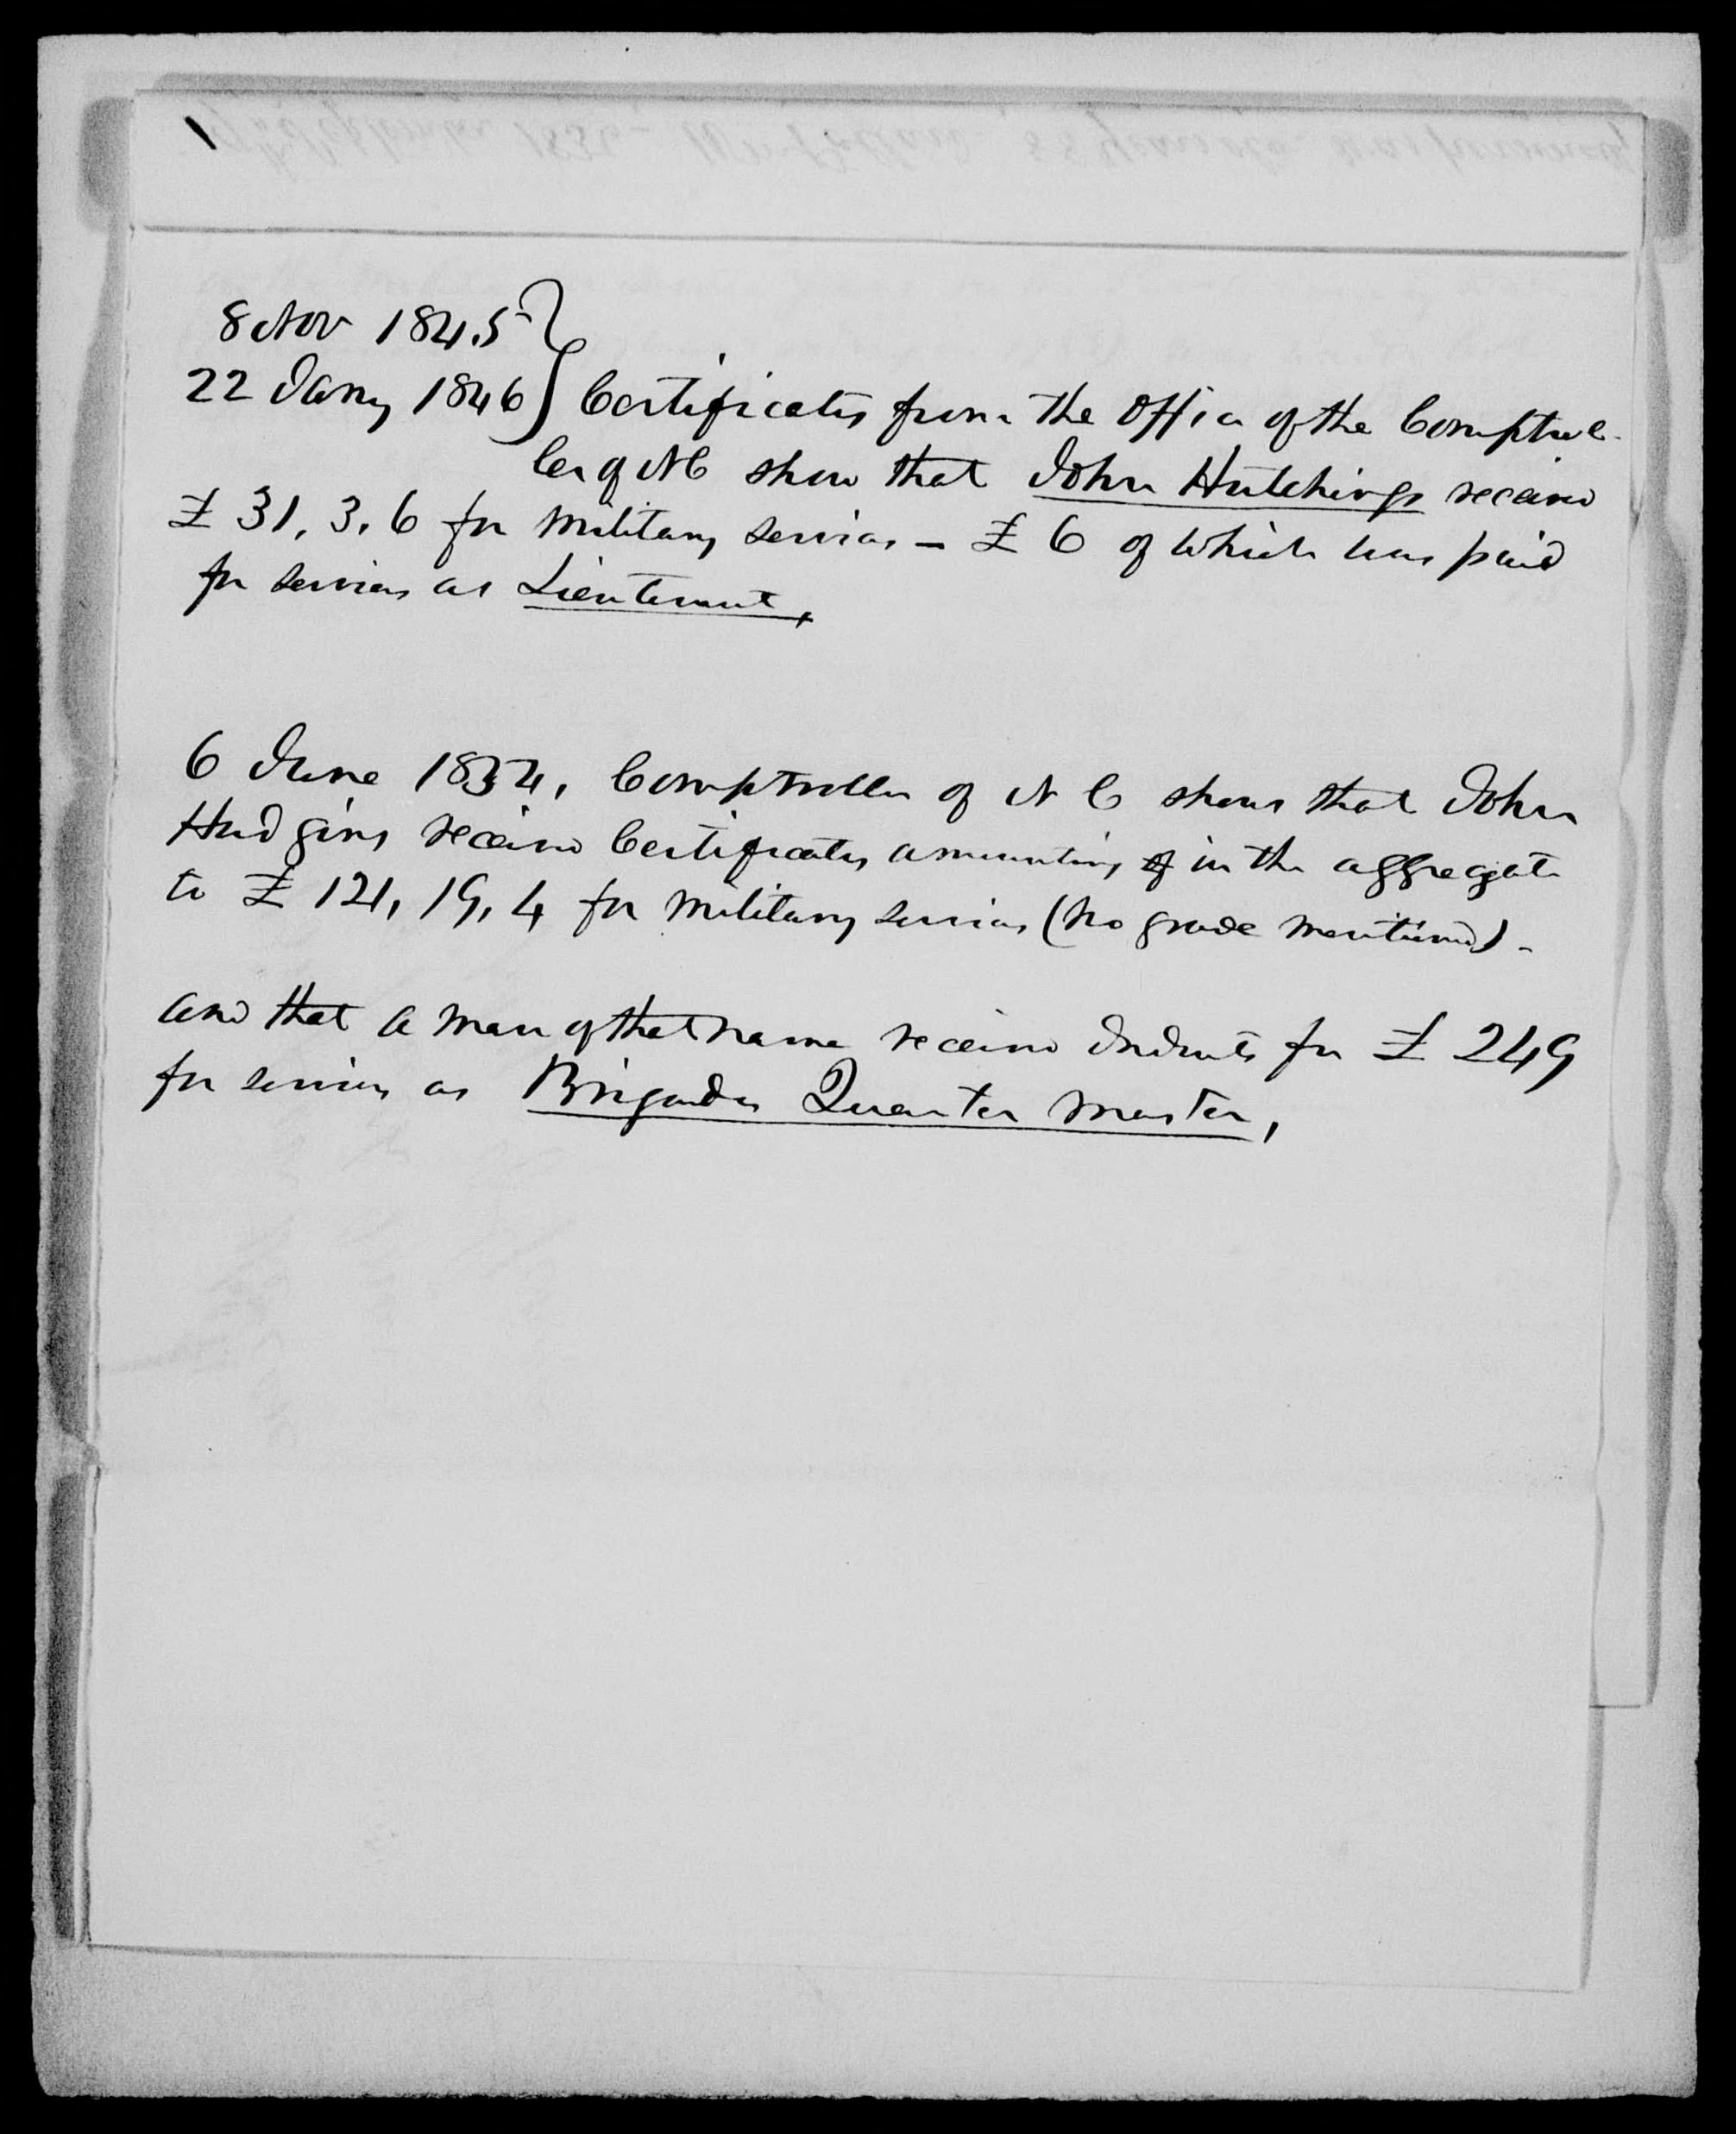8 Nov 1845
22 Jany 1846 
Certificate from the office of the Comptroller of NC show that John Hutchings received £31.3.6 for military service - £6 of which was paid for service as Lieutenant [underlined].

6 June 1854, Comptroller of NC shows that John Hudgins received Certificates amounting ["of" crossed out] in the aggregate to £121.19.4 for military service (no grade mentioned). 

And that a man of that name received [not legible] for £249 for service as Brigade Quarter Master [title is underlined]. 

Please note: in reference to the amounts the L had two horizontal lines through each L.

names: John Hutchings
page: 58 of 108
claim: rejected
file: R. 7,515, John Hudgins, N.C.